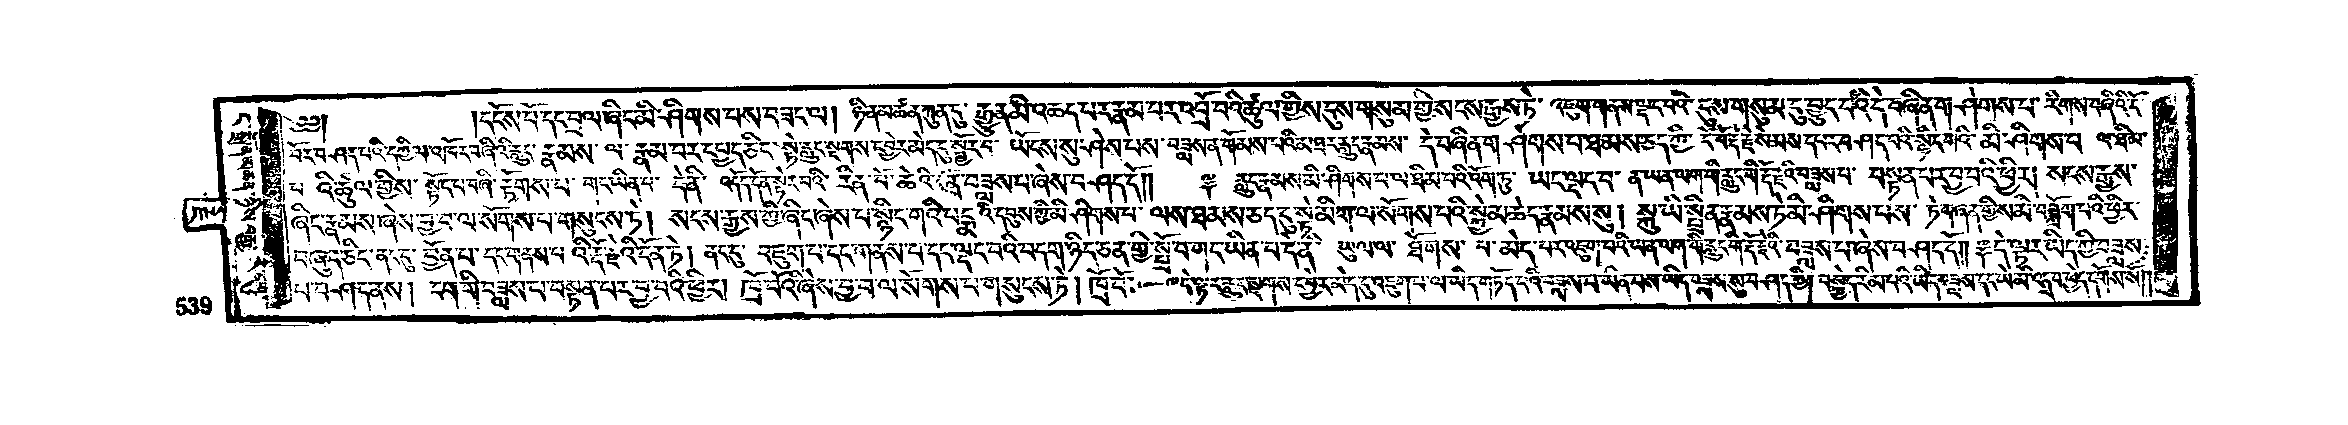༄༅། །དངོས་པོ་དང་བྲལ་ཞིང་མི་ཤིགས་པས་བཟང་ལ། ཉིན་མཚན་ཀུན་དུ་རྒྱུན་མི་འཆད་པར་རྣམ་པར་འབྲོ་བའི་ཚུལ་གྱིས་དུས་གསུམ་གྱི་སངས་རྒྱས་ཏེ་འཇུག་གནས་ལྡང་བའི་དུས་གསུམ་དུ་བྱུང་བའི་དེ་བཞིན་གཤེགས་པ་རིགས་བཞིའི་ངོ་
བོར་བཤད་པའི་དཀྱིལ་འཁོར་བཞིའི་རླུང་རྣམས་ལ་རྣམ་པར་དཔྱད་ཅིང་སྟེ་རླུང་སྔགས་དབྱེར་མེད་དུ་སྦྱོར་བ་ཡོངས་སུ་ཤེས་པས་བཟླས་ན་གོམས་པའི་མཐར་རླུང་རྣམས་དེ་བཞིན་གཤེགས་པ་ཐམས་ཅད་ཀྱི་ངོ་བོ་རྡོ་རྗེ་སེམས་དཔར་བཤད་པའི་སྙིང་གའི་མི་ཤིགས་པ་ལ་ཐིམ་
པའི་ཚུལ་གྱིས་སྟོང་པ་བཞི་རྟོགས་པ་གང་ཡིན་པ་དེ་ནི་འདོད་དོན་སྟེར་བའི་རིན་པོ་ཆེའི་ན་བཟླས་པ་ཞེས་བཤད་དོ།། ༈ རླུང་རྣམས་མི་ཤིགས་པ་ལ་ཐིམ་པའི་འོག་ཏུ་ཡང་ལྡང་བ་ན་ཡན་ལག་གི་རླུང་གི་རྡོ་རྗེའི་བཟླས་པ་བསྟན་པར་བྱ་བའི་ཕྱིར། སངས་རྒྱས་
ཞིང་རྣམས་ཞེས་བྱ་བ་ལ་སོགས་པ་གསུངས་ཏེ། སངས་རྒྱས་ཀྱི་ཞིང་ཞེས་པ་སྙིང་གའི་པདམའི་དབུས་ཀྱི་མི་ཤིགས་པ་ལས་ཐམས་ཅད་དུ་སྟེ་མིག་ལ་སོགས་པའི་སྐྱེ་མཆེད་རྣམས་སུ། སྐུ་ཡི་སྤྲིན་རྣམས་ཏེ་མི་ཤིགས་པས་ཏེ་གཞན་གྱིས་མི་བཟློག་པའི་ཕྱིར
བཞུད་ཅིང་ནང་དུ་བྱོན་པ་དང་གནས་པའི་རྡོ་རྗེའི་དོན་ཏེ། ནང་དུ་འཇུག་པ་དང་གནས་པ་དང་ལྡང་བའི་བདག་ཉིད་ཅན་གྱི་སྤྲོ་བ་གང་ཡིན་པ་དེ་ནི་ཡུལ་ལ་ཐོགས་པ་མེད་པར་འཇུག་པའི་ཡན་ལག་གི་རླུང་གི་རྡོ་རྗེའི་བཟླས་པ་ཞེས་བཤད་དོ།། ༈ དེ་ལྟར་ཡིད་ཀྱི་བཟླས་
པ་བཤད་ནས། ངག་གི་བཟླས་པ་བསྟན་པར་བྱ་བའི་ཕྱིར། ཁྲོ་བོའི་ཞེས་བྱ་བ་ལ་སོགས་པ་གསུངས་ཏེ། ཁྲོ་བོཿ་༧་དེ་ལྟར་རླུང་སྔགས་དབྱེར་མེད་དུ་འཇུག་པ་ལ་ཡིད་གཏོད་པའི་བཟླས་པ་ཡིན་པས་ཡིད་བཟླས་སུ་བཤད་ཀྱི། བསྐྱེད་རིམ་པའི་ཡིད་བཟླས་དང་ཡེ་མི་འདྲ་བ་ཕྱེད་དགོས་སོ།།